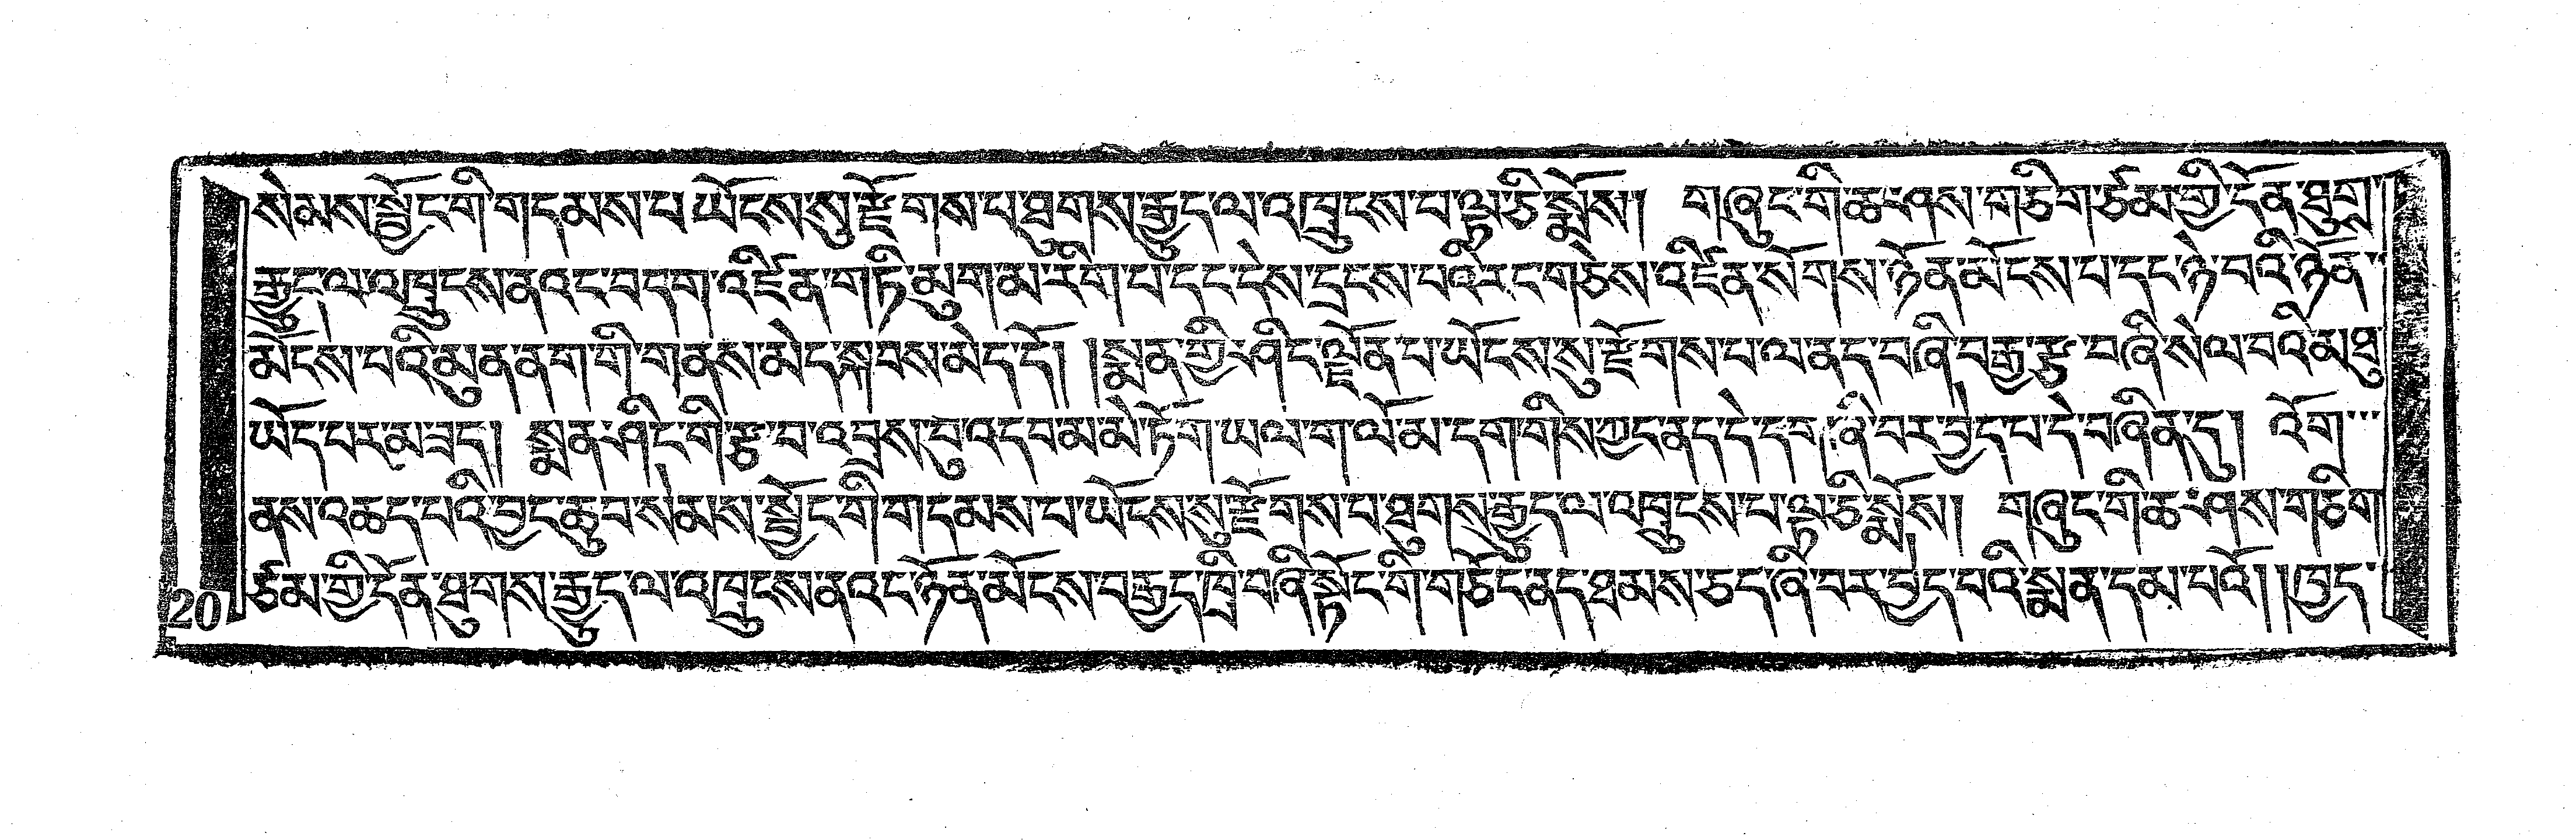སེམས་སྦྱོང་གི་གདམས་པ་ཡོངས་སུ་རྫོགས་པ་ཐུགས་རྒྱུད་ལ་འཁྲུངས་པ་ལྟ་ཅི་སྨོས། གཞུང་གི་ཆ་ཤས་གཅིག་ཙམ་གྱི་དོན་ཐུགས་
རྒྱུད་ལ་འཁྲུངས་ནའང་བདག་འཛིན་གཏི་མུག་མ་རིག་པ་དང་དེས་དྲངས་པའི་རང་གཅེས་འཛིན་སོགས་ཉོན་མོངས་པ་དང་ཉེ་བའི་ཉོན་
མོངས་པའི་མུན་ནག་གི་གནས་མེད་སྐབས་མེད་དོ། །སྨན་གྱི་ཤིང་ལྗོན་པ་ཡོངས་སུ་རྫོགས་པ་ལ་ནད་བཞི་བརྒྱ་རྩ་བཞི་སེལ་བའི་མཐུ་
ཡོད་པར་མ་ཟད། སྨན་ཤིང་གི་རྩ་བ་འབྲས་བུ་འདབ་མ་མེ་ཏོག་ཡལ་ག་ལོ་མ་དག་གིས་ཀྱང་ནད་དེ་དག་ཞི་བར་བྱེད་པ་དེ་བཞིན་དུ། འོག་
ནས་འཆད་པའི་བྱང་ཆུབ་སེམས་སྦྱོང་གི་གདམས་པ་ཡོངས་སུ་རྫོགས་པ་ཐུགས་རྒྱུད་ལ་འཁྲུངས་པ་ལྟ་ཅི་སྨོས། གཞུང་གི་ཆ་ཤས་གཅིག་
ཙམ་གྱི་དོན་ཐུགས་རྒྱུད་ལ་འཁྲུངས་ནའང་ཉོན་མོངས་བརྒྱད་ཁྲི་བཞི་སྟོང་གི་གཅོང་ནད་ཐམས་ཅད་ཞི་བར་བྱེད་པའི་སྨན་དམ་པའོ། །ཁྱད་